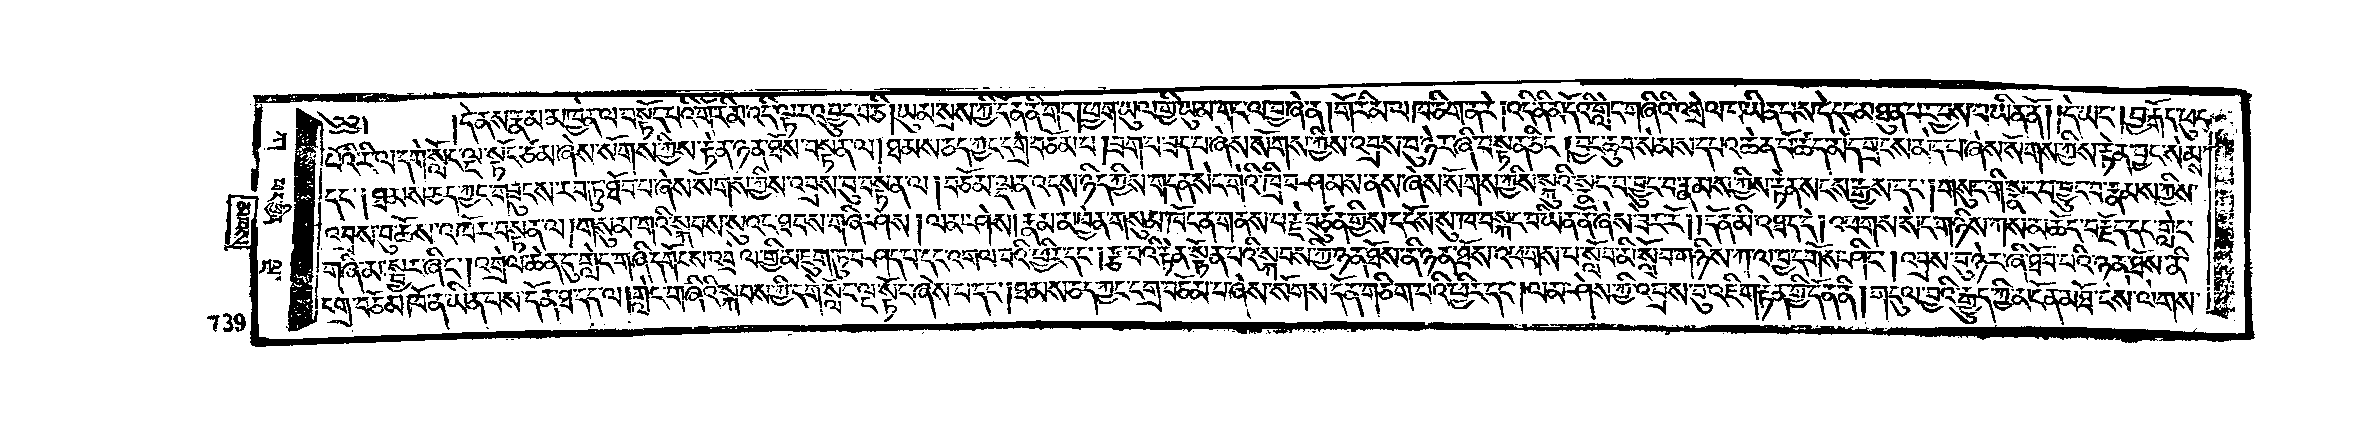༄༅། །དེ་ནས་རྣམ་མཁྱེན་ལ་བསྟོད་པའི་གོ་རིམ་འདི་ལྟར་འབྱུང་བ་ཅི། ཡུམ་སྲས་ཀྱི་དོན་ནི་གང་། ཕྱག་ཡུལ་གྱི་ཡུམ་གང་ལ་བྱ་ཞེ་ན། གོ་རིམ་ལ་ཁ་ཅིག་ན་རེ། འདི་ནི་མདོའི་གླེང་གཞིའི་འགྲེལ་པ་ཡིན་པས་དེ་དང་མཐུན་པར་བྱས་པ་ཡིན་ནོ། །དེ་ཡང་། བྱ་རྒོད་ཕུང་
པོའི་རི་ལ་དགེ་སློང་ལྔ་སྟོང་ཙམ་ཞེས་སོགས་ཀྱིས་རྟེན་ཉན་ཐོས་བསྟན་ལ། ཐམས་ཅད་ཀྱང་དགྲ་བཅོམ་པ། ཟག་པ་ཟད་པ་ཞེས་སོགས་ཀྱིས་འབྲས་བུ་ཉེར་ཞི་བསྟན་ཅིང་། བྱང་ཆུབ་སེམས་དཔའ་ཆེན་པོ་ཚད་མེད་གྲངས་མེད་པ་ཞེས་སོགས་ཀྱིས་རྟེན་བྱང་སེམས་
དང་། ཐམས་ཅད་ཀྱང་གཟུངས་རབ་ཏུ་ཐོབ་པ་ཞེས་སོགས་ཀྱིས་འབྲས་བུ་བསྟན་ལ། བཅོམ་ལྡན་འདས་ཉིད་ཀྱིས་གདན་སེང་གེའི་ཁྲི་བཤམས་ནས་ཞེས་སོགས་ཀྱིས་སྐུའི་སྣང་བ་བྱུང་བ་རྣམས་ཀྱིས་རྟེན་སངས་རྒྱས་དང་། གསུང་གི་སྣང་བ་བྱུང་བ་རྣམས་ཀྱིས་
འབྲས་བུ་ཆོས་འཁོར་བསྟན་ལ། གསུམ་གའི་སྐབས་སུའང་ཐབས་གཞི་ཤེས། ལམ་ཤེས། རྣམ་མཁྱེན་གསུམ་ཁོང་ན་གནས་པ་རྗེ་བཙུན་གྱིས་དངོས་སུ་ཁ་བསྐང་བ་ཡིན་ནོ་ཞེས་ཟེར་རོ། །དོན་མི་འཐད་དེ། འཕགས་སེང་གཉིས་ཁས་མཆོད་བརྗོད་དང་གླེང་
གཞི་མ་སྦྱར་ཞིང་། འགྲེལ་ཆེན་དུ་གླེང་གཞི་དགོངས་འབྲེལ་གྱི་མཇུག་ཏུ་བཤད་པ་དང་འགལ་བའི་ཕྱིར་དང་། རྩ་བའི་རྟེན་སྟོན་པའི་སྐབས་ཀྱི་ཉན་ཐོས་ནི་ཉན་ཐོས་འཕགས་པ་སློབ་མི་སློབ་གཉིས་ཀ་ལ་བྱ་དགོས་ཤིང་། འབྲས་བུ་ཉེར་ཞི་ཐོབ་པའི་ཉན་ཐོས་ནི་
དགྲ་བཅོམ་ཁོ་ན་ཡིན་པས་དོན་ཐ་དད་ལ། གླིང་གཞིའི་སྐབས་ཀྱི་དགེ་སློང་ལྔ་སྟོང་ཞེས་པ་དང་། ཐམས་ཅད་ཀྱང་དགྲ་བཅོམ་པ་ཞེས་སོགས་དོན་གཅིག་པའི་ཕྱིར་དང་། ལམ་ཤེས་ཀྱི་འབྲས་བུ་འཇིག་རྟེན་གྱི་དོན་ནི། གདུལ་བྱའི་རྒྱུད་ཀྱི་མངོན་མཐོ་ངེས་ལེགས་